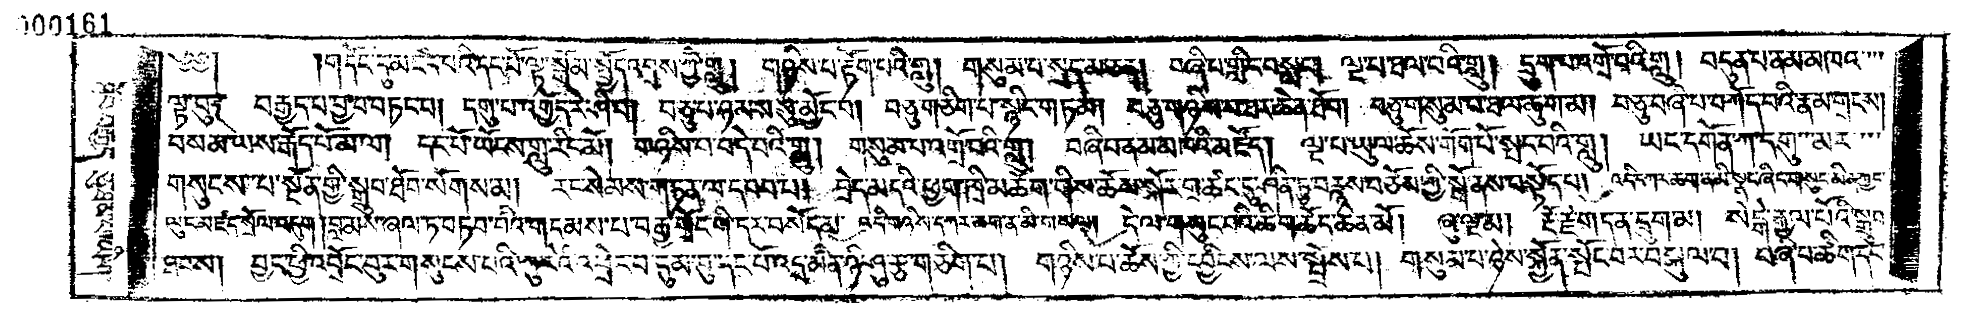༄༅། །གདོང་དུ་མཛད་པའི་དང་པོ་ལྟ་སྒོམ་སྤྱོད་འབྲས་ཀྱི་གླུ། གཉིས་པ་རྟོག་པའི་གླུ། གསུམ་པ་སྲད་མ་ཅན། བཞི་པ་གླིང་བསླང་། ལྔ་པ་ཐལ་བའི་གླུ། དྲུག་པ་འགྲོ་བའི་གླུ། བདུན་པ་ནམ་མཁའ་
ལྟ་བུ༑ བརྒྱད་པ་བྱ་བ་བཏང་བ། དགུ་པ་འགྱོད་རེ་ཤི་བ། བཅུ་པ་ཉམས་སུ་མྱོང་བ། བཅུ་གཅིག་པ་སྙིང་གཏམ། བཅུ་གཉིས་པ་ཐར་ཆེན་ཐོབ། བཅུ་གསུམ་པ་ཐལ་ཆུག་མ། བཅུ་བཞི་པ་བཀོད་པའི་རྣམ་གྲངས།
བསམ་ཡས་རྒོད་པོ་མ་ལ། དང་པོ་ཡོངས་གླུ་རིང་མོ། གཉིས་པ་བདེ་བའི་གླུ། གསུམ་པ་འགྲོ་བའི་གླུ། བཞི་པ་ནམ་མཁའི་མཛོད། ལྔ་པ་ཡུལ་ཆོས་གོག་པོ་སྤང་བའི་གླུ། ཡང་དགོན་ཀ་དགུ་མར་
གསུངས་པ་སྔོན་གྱི་སྒྲུབ་ཐོབ་སོགས་མ། རང་སེམས་གཏན་ལ་དབབ་པ། བྲེད་མདའི་ཕྱག་ཁྲི་མཆོག་གིས་ཆོས་སྐོར་གྲ་ཚང་དུ་ཤིན་ཏུ་བརྙས་བཅོས་ཀྱི་སྒོ་ནས་བསྟོད་པ། འདི་དཀར་ཆག་ན་མི་སྣང་ཞིང་གསུང་མིན་ཀྱང་
ལུང་མཛད་སྲོལ་འདུག །བླ་མས་ཞལ་ཏ་བཏབ་པའི་གདམས་པ་བརྒྱ་གྲོང་གི་དར་བསོད་མ་འདི་གཉིས་དཀར་ཆག་ན་མི་གསལ།  དེ་ལ་གསུང་བའི་ཆིག་ཆོད་ཆེན་མོ། ཞུ་ལྔ་མ། རྡོ་རྗེ་གདན་དྲུག་མ། སེངྒེ་རྒྱལ་པོའི་སྒྲུབ་
ཐབས། བྱང་ཕྱི་འབྲོང་བུར་གསུངས་པའི་ཀུ་རེའི་འཕྲེང་བ་དུམ་བུ་དང་པོ་འདྲ་མིན་ཉི་ཤུ་རྩ་གཅིག་པ། གཉིས་པ་ཆོས་ཀྱི་དབྱིངས་ལས་སྤྲོས་པ། གསུམ་པ་ཉེས་སྐྱོན་སྤོང་བར་བསྐུལ་བ། བཞི་པ་ཚིག་དང་